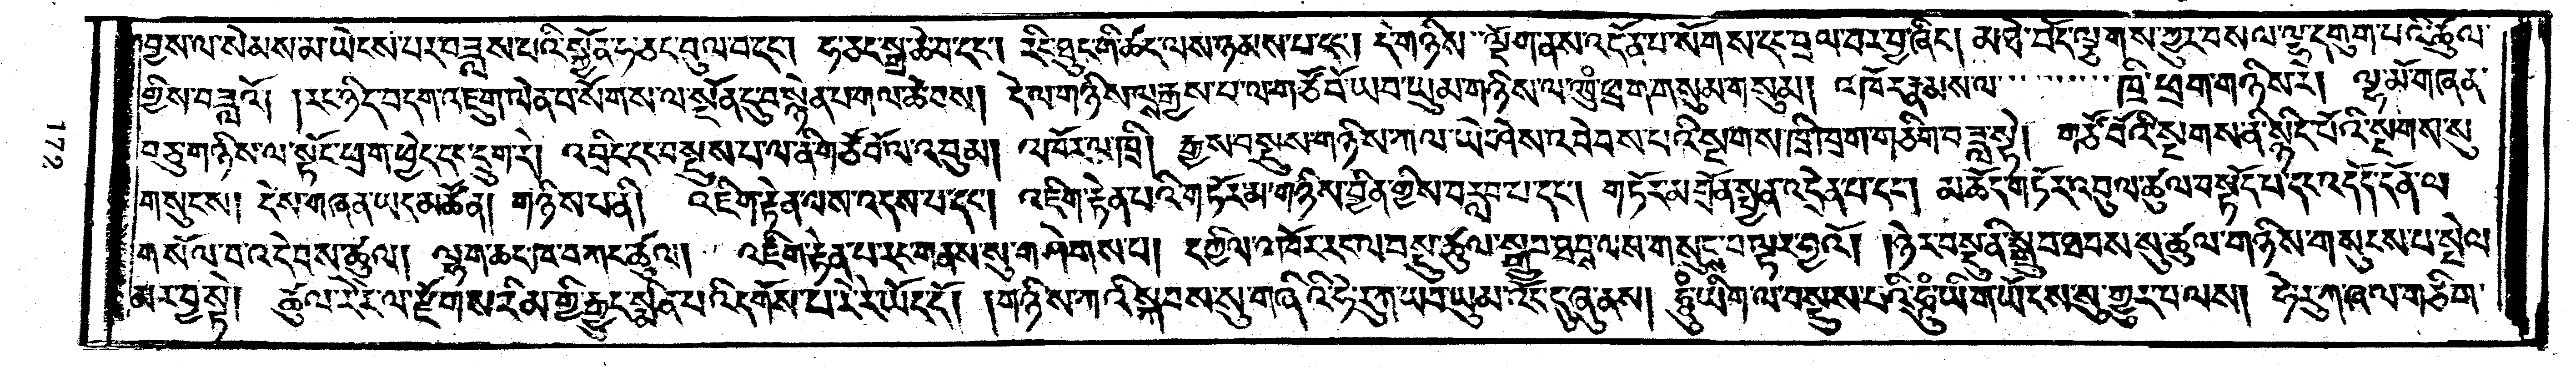བྱས་ལ་སེམས་མ་ཡེངས་པར་བཟླས་པའི་སྐྱོན་ཧ་ཅང་བུལ་བ་དང་། ཧ་ཅང་སྒྲ་ཆེ་བ་དང་། རིང་ཐུང་གི་ཚད་ལས་ཉམས་པ་དང་། དེ་གཉིས་ལྡོག་ནས་འོད་ན་པ་སོགས་དང་བྲལ་བར་བྱ་ཞིང་། མཐེ་བོད་ལྕགས་ཀྱུར་བསལ་ལྷ་དགུག་པའི་ཚུལ་
གྱིས་བཟླའོ། །རང་ཉིད་བདག་འཇུག་ལེན་པ་སོགས་ལ་སྔོན་དུ་བསྙེན་པ་གལ་ཆེ་བས། དེ་ལ་གཉིས་ལས་རྒྱས་པ་ལ་གཙོ་བོ་ཡབ་ཡུམ་གཉིས་ལ་འབུཾ་ཕྲག་གསུམ་གསུམ། འཁོར་རྣམས་ལ་ཁྲི་ཕྲག་གཉིས་རེ། ལྷ་མོ་གཞན་
བཅུ་གཉིས་ལ་སྟོང་ཕྲག་ཕྱེད་དང་དྲུག་རེ། འབྲིང་དང་བསྡུས་པ་ལ་ནི་གཙོ་བོ་ལ་འབུམ། འཁོར་ལ་ཁྲི། རྒྱས་བསྡུས་གཉིས་ཀལ་ཡེ་ཤེས་འབེབས་པའི་སྔགས་ཁྲི་ཁྲག་གཅིག་བཟླ་སྟེ། གཙོ་བོའི་སྔགས་ནི་སྙིང་པོའི་སྔགས་སུ་
གསུངས། དེས་གཞན་ཡང་མཚོན། གཉིས་པ་ནི། འཇིག་རྟེན་ལས་འདས་པ་དང་། འཇིག་རྟེན་པའི་གཏོར་མ་གཉིས་བྱིན་གྱིས་བརླབ་པ་དང་། གཏོར་མགྲོན་སྤྱན་འདྲེན་པ་དང་། མཆོད་གཏོར་འབུལ་ཚུལ་བསྟོད་པ་དང་འདོད་དོན་ལ་
གསོལ་བ་འདེབས་ཚུལ། ལྷག་ཆང་ཁ་བཀང་ཚུལ། འཇིག་རྟེན་པ་རང་གནས་སུ་གཤེགས་པ། དཀྱིལ་འཁོར་རང་ལ་བསྡུ་ཚུལ་སྒྲུབ་ཐབས་ལས་གསུངས་བ་ལྟར་བྱའོ། །ཉེར་བསྡུ་ནི་སྒྲུབ་ཐབས་སུ་ཚུལ་གཉིས་གསུངས་པ་སྤེལ་
མར་བྱ་སྟེ། ཚུལ་རེ་རེ་ལ་རྫོགས་རིམ་གྱི་རྒྱུད་སྨིན་པའི་དགོས་པ་རེ་རེ་ཡོད་དོ། །གཉིས་ཀའི་སྐབས་སུ་གཞིའི་ཧེ་རུ་ཀ་ཡབ་ཡུམ་འོད་དུ་ཞུ་ནས། ཧཱུཾ་ཡིག་ལ་བསྡུས་པའི་ཧཱུཾ་ཡིག་ཡོངས་སུ་གྱུར་པ་ལས། ཧེ་རུ་ཀ་ཞལ་གཅིག་